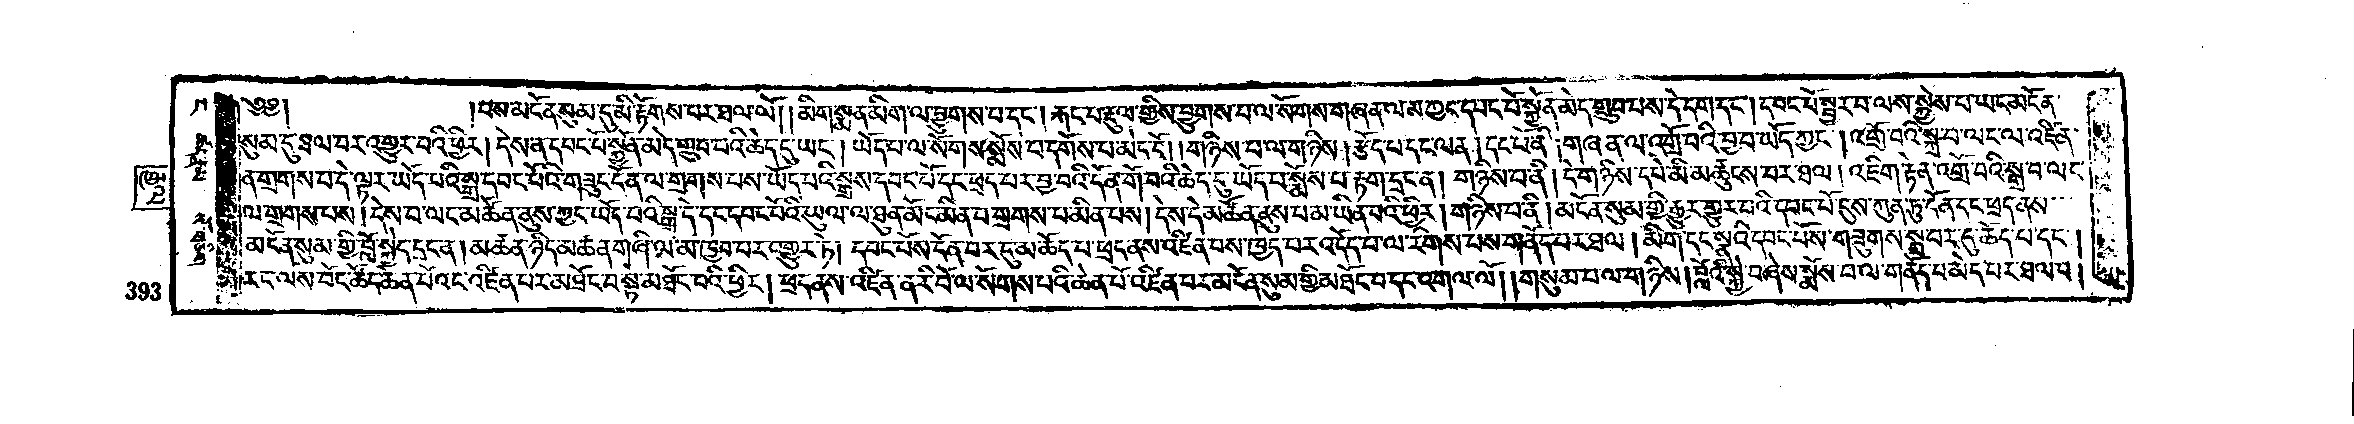༄༅། །པས་མངོན་སུམ་དུ་མི་རྟོགས་པར་ཐལ་ལོ། །མིག་སྨན་མིག་ལ་བྱུགས་པ་དང་། རྐང་པ་རྡུལ་གྱིས་བྱུགས་པ་ལ་སོགས་པ་གཞན་ལམ་ཀྱང་དབང་པོ་སྐྱོན་མེད་གྲུབ་པས་དེ་དག་དང་། དབང་པོ་སྦྱར་བ་ལས་སྐྱེས་པ་ཡང་མངོན་
སུམ་དུ་ཐལ་བར་འགྱུར་པའི་ཕྱིར། དེས་ན་དབང་པོ་སྐྱོན་མེད་གྲུབ་པའི་ཆེད་དུ་ཡང་། ཡོད་པ་ལ་སོགས་སྨོས་པ་དགོས་པ་མེད་དོ། །གཉིས་པ་ལ་གཉིས། དང་པོ་ནི། གཞན་ལ་འགྲོ་བའི་བྱ་བ་ཡོད་ཀྱང་། འགྲོ་བའི་སྐྲ་བ་ལང་ལ་འཛིན་
ན་གྲགས་པ་དེ་ལྟར་ཡོད་པའི་སྒྲ་དབང་པོའི་གཟུང་དོན་ལ་གྲགས་པས་ཡོད་པའི་སྒྲས་དབང་པོ་དང་ཕྲད་པར་བྱ་བའི་དོན་གོ་བའི་ཆེད་དུ་ཡྡོ་པ་སྨོས་པ་རྟག་དྲང་ན། གཉིས་པ་ནི། དེ་གཉིས་དཔེ་མི་མཚུངས་པར་ཐལ། འཇིག་རྟེན་འགྲོ་བའི་སྒྲ་བ་ལང་
ལ་གྲགས་པས། དེས་པ་ལང་ཚོན་ནུས་ཀྱང་ཡོད་པའི་སྒྲ་དེ་དང་དབང་པོའི་ཡུལ་ལ་ཐུན་མོང་མིན་པ་གྲགས་པ་མིན་པས། དེས་དེ་མཚོན་ནུས་པ་མ་ཡིན་པའི་ཕྱིར། གཉིས་པ་ནི། མངོན་སུམ་གྱི་རྒྱུར་གྱུར་པའི་དབང་པོ་དུས་ཀུན་ཏུ་དོན་དང་ཕྲད་ནས་
མངོན་སུམ་གྱི་བློ་སྐྱེད་དྲང་ན། མཚན་ཉིད་མཚན་གཞི་ལ་མ་ཁྱབ་པར་འགྱུར་ཏེ། དབང་པོས་དོན་པར་དུ་མ་ཆོད་པ་ཕྲད་ནས་འཛིན་པས་ཁྱད་པར་འདོད་པ་ལ་རིགས་པས་གནོད་པར་ཐལ། མིག་དང་སྣའི་དབང་པོས་གཟུགས་སྒྲ་བར་དུ་ཆོད་པ་དང་།
རང་ལས་བོང་ཚོད་ཆེན་པོའང་འཛིན་པར་མཐོང་བའི་ཕྱིར། ཕྲད་ནས་འཛིན་ན་རི་བོ་ལ་སོགས་པའི་ཆེན་པོ་འཛིན་པར་མངོན་སུམ་གྱི་མཐོང་བ་དང་འགལ་ལོ། །གསུམ་པ་ལ་གཉིས། བློའི་སྐྱེ་བ་ཞེས་སྨོས་པ་ལ་གནོད་པ་མེད་པར་ཐལ་བ།